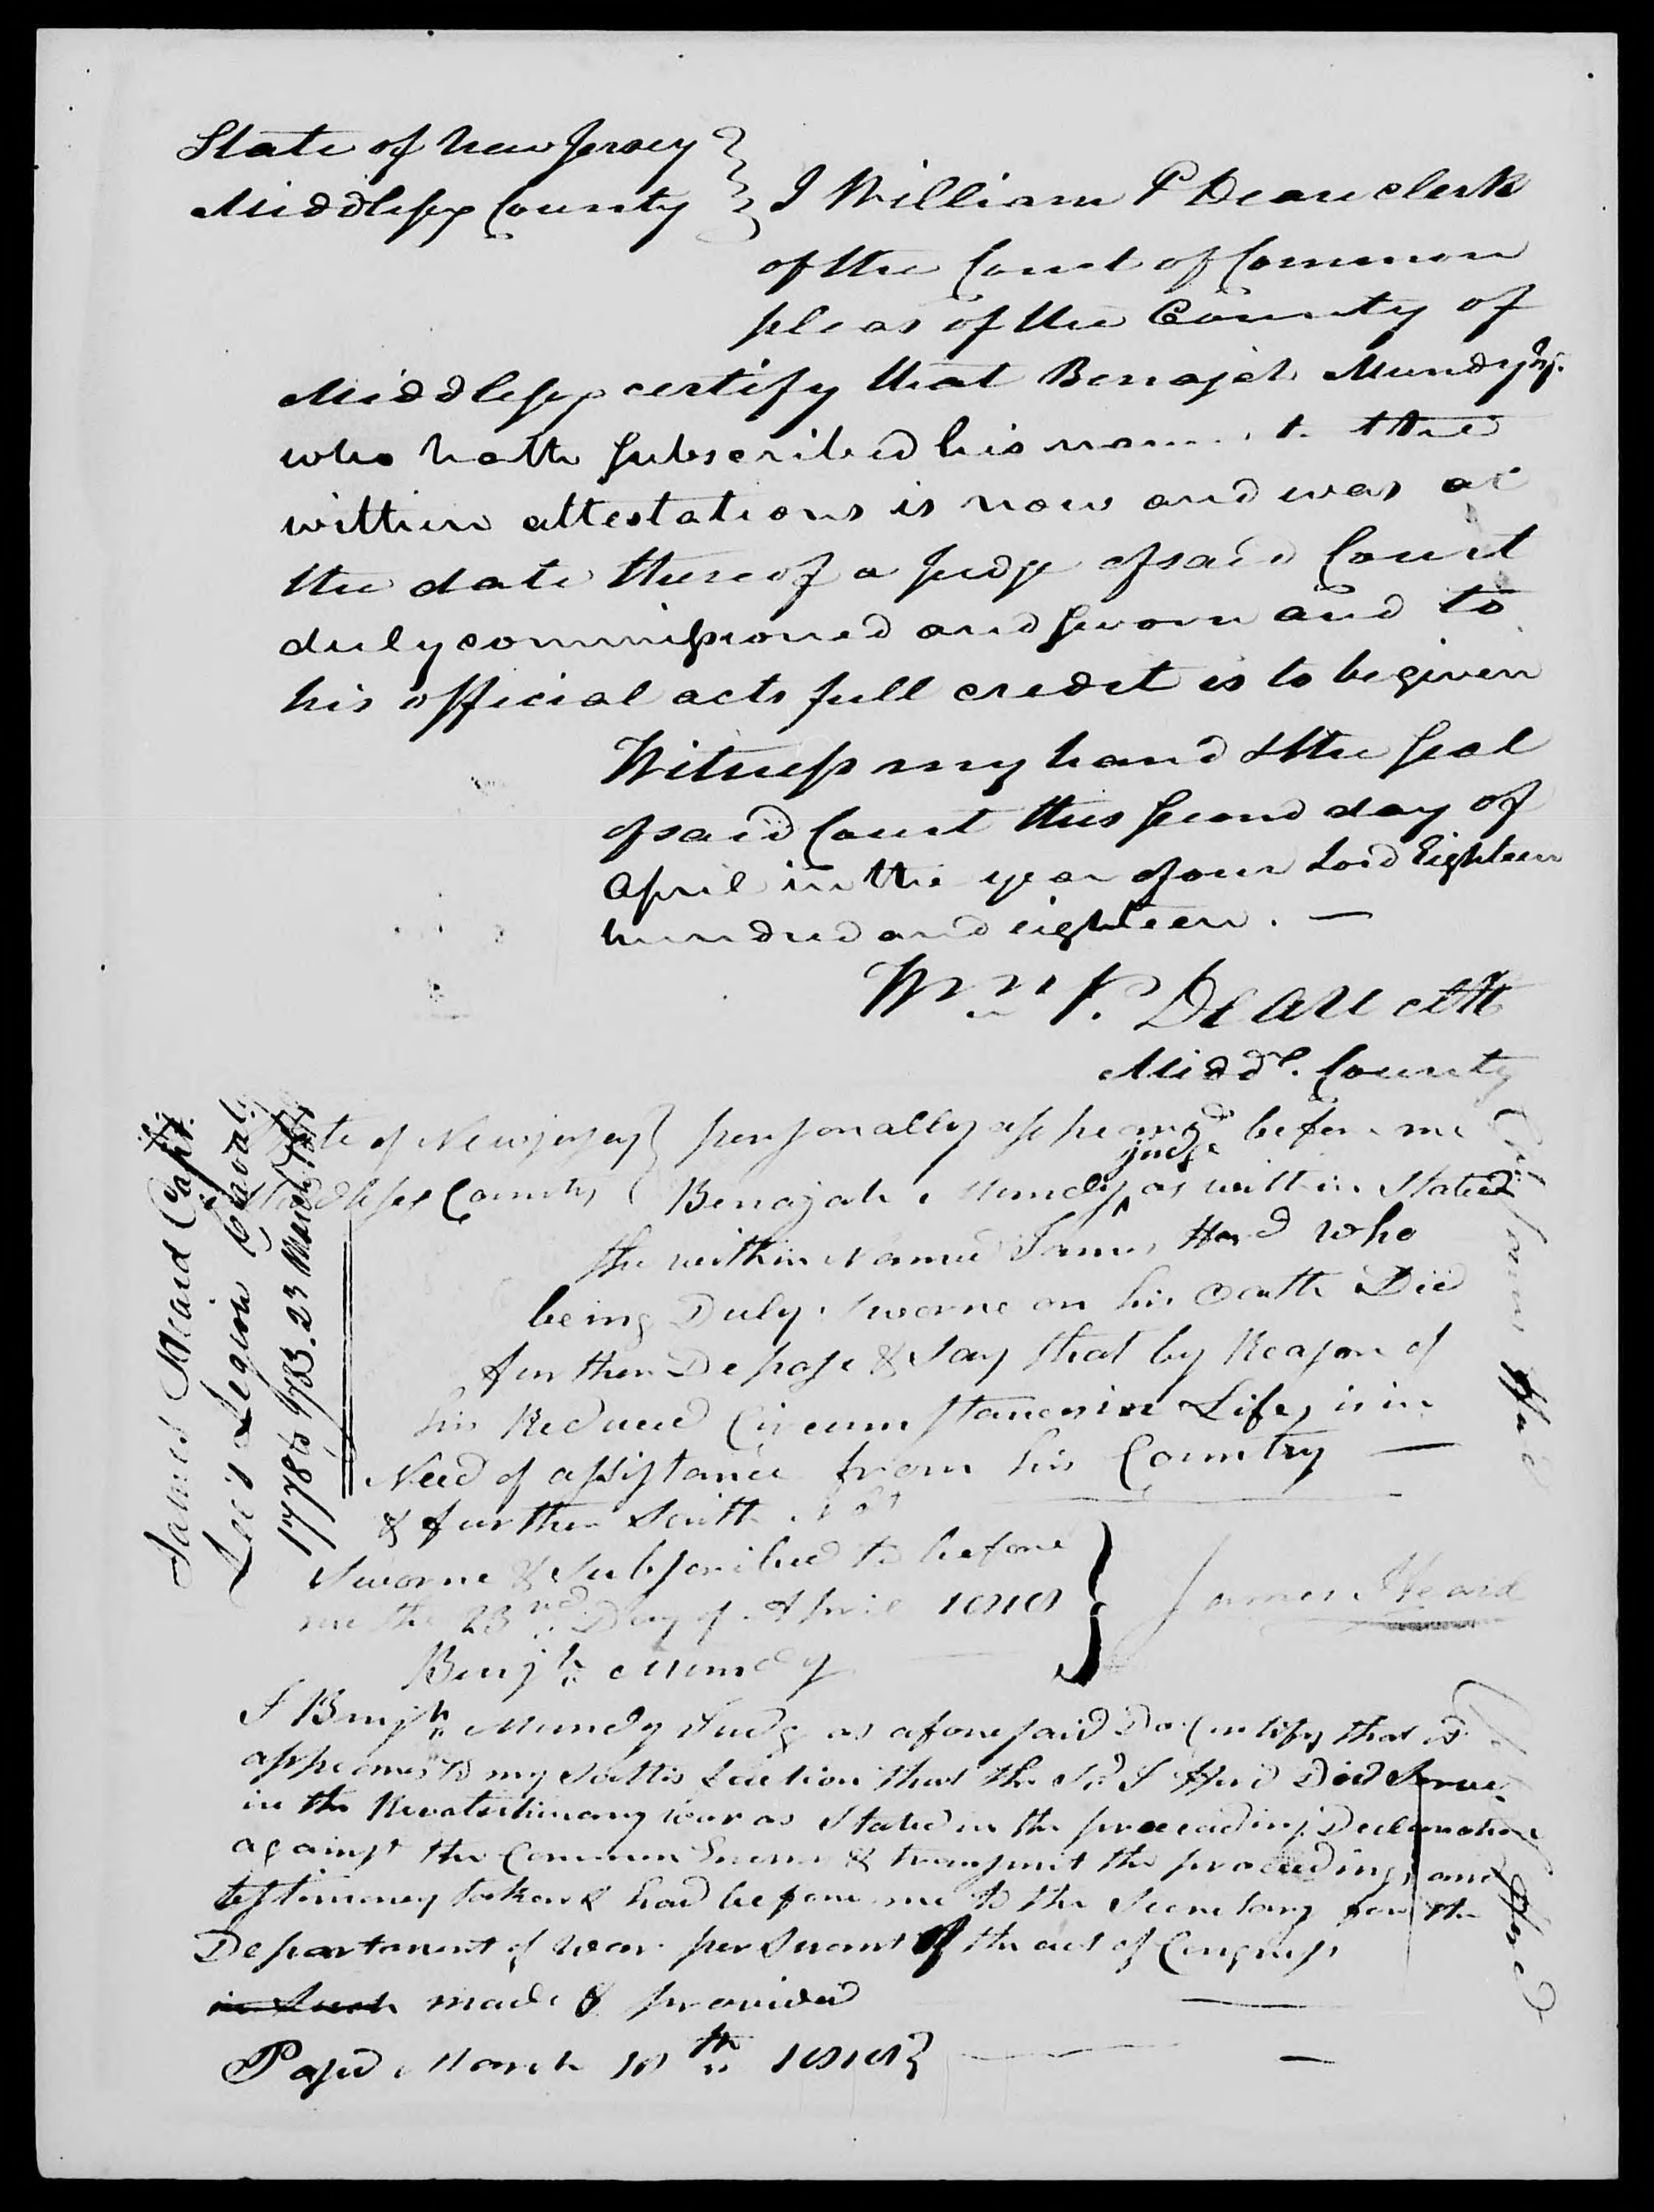State of New Jersey 
Middlesex County 

I, William P. Deam, Clerk of the Court of Common Pleas of the County of Middlesex, certify that Benjamin Mundy, who had hath subscribed his [Illegible] the written attestations is now and was at the date thereof a judge of said Court, duly commissioned and sworn and to his official acts full credit is to be given. 

Written on my hand and the seal of said court this second day of April in the year of our lord eighteen hundred and eighteen. 

W. P. Dean, Clerk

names: J Herd, James Heard, James Hard, Benjn Mundy, Benajah Mundy, Benjn Mundy, James Herd, Wm P Dean, J Heard, William P Dean, James Heard, Benajah Mundy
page: 6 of 62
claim: survivor's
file: S. 540, James Heard, Continental - New Jersey Residence In 1818